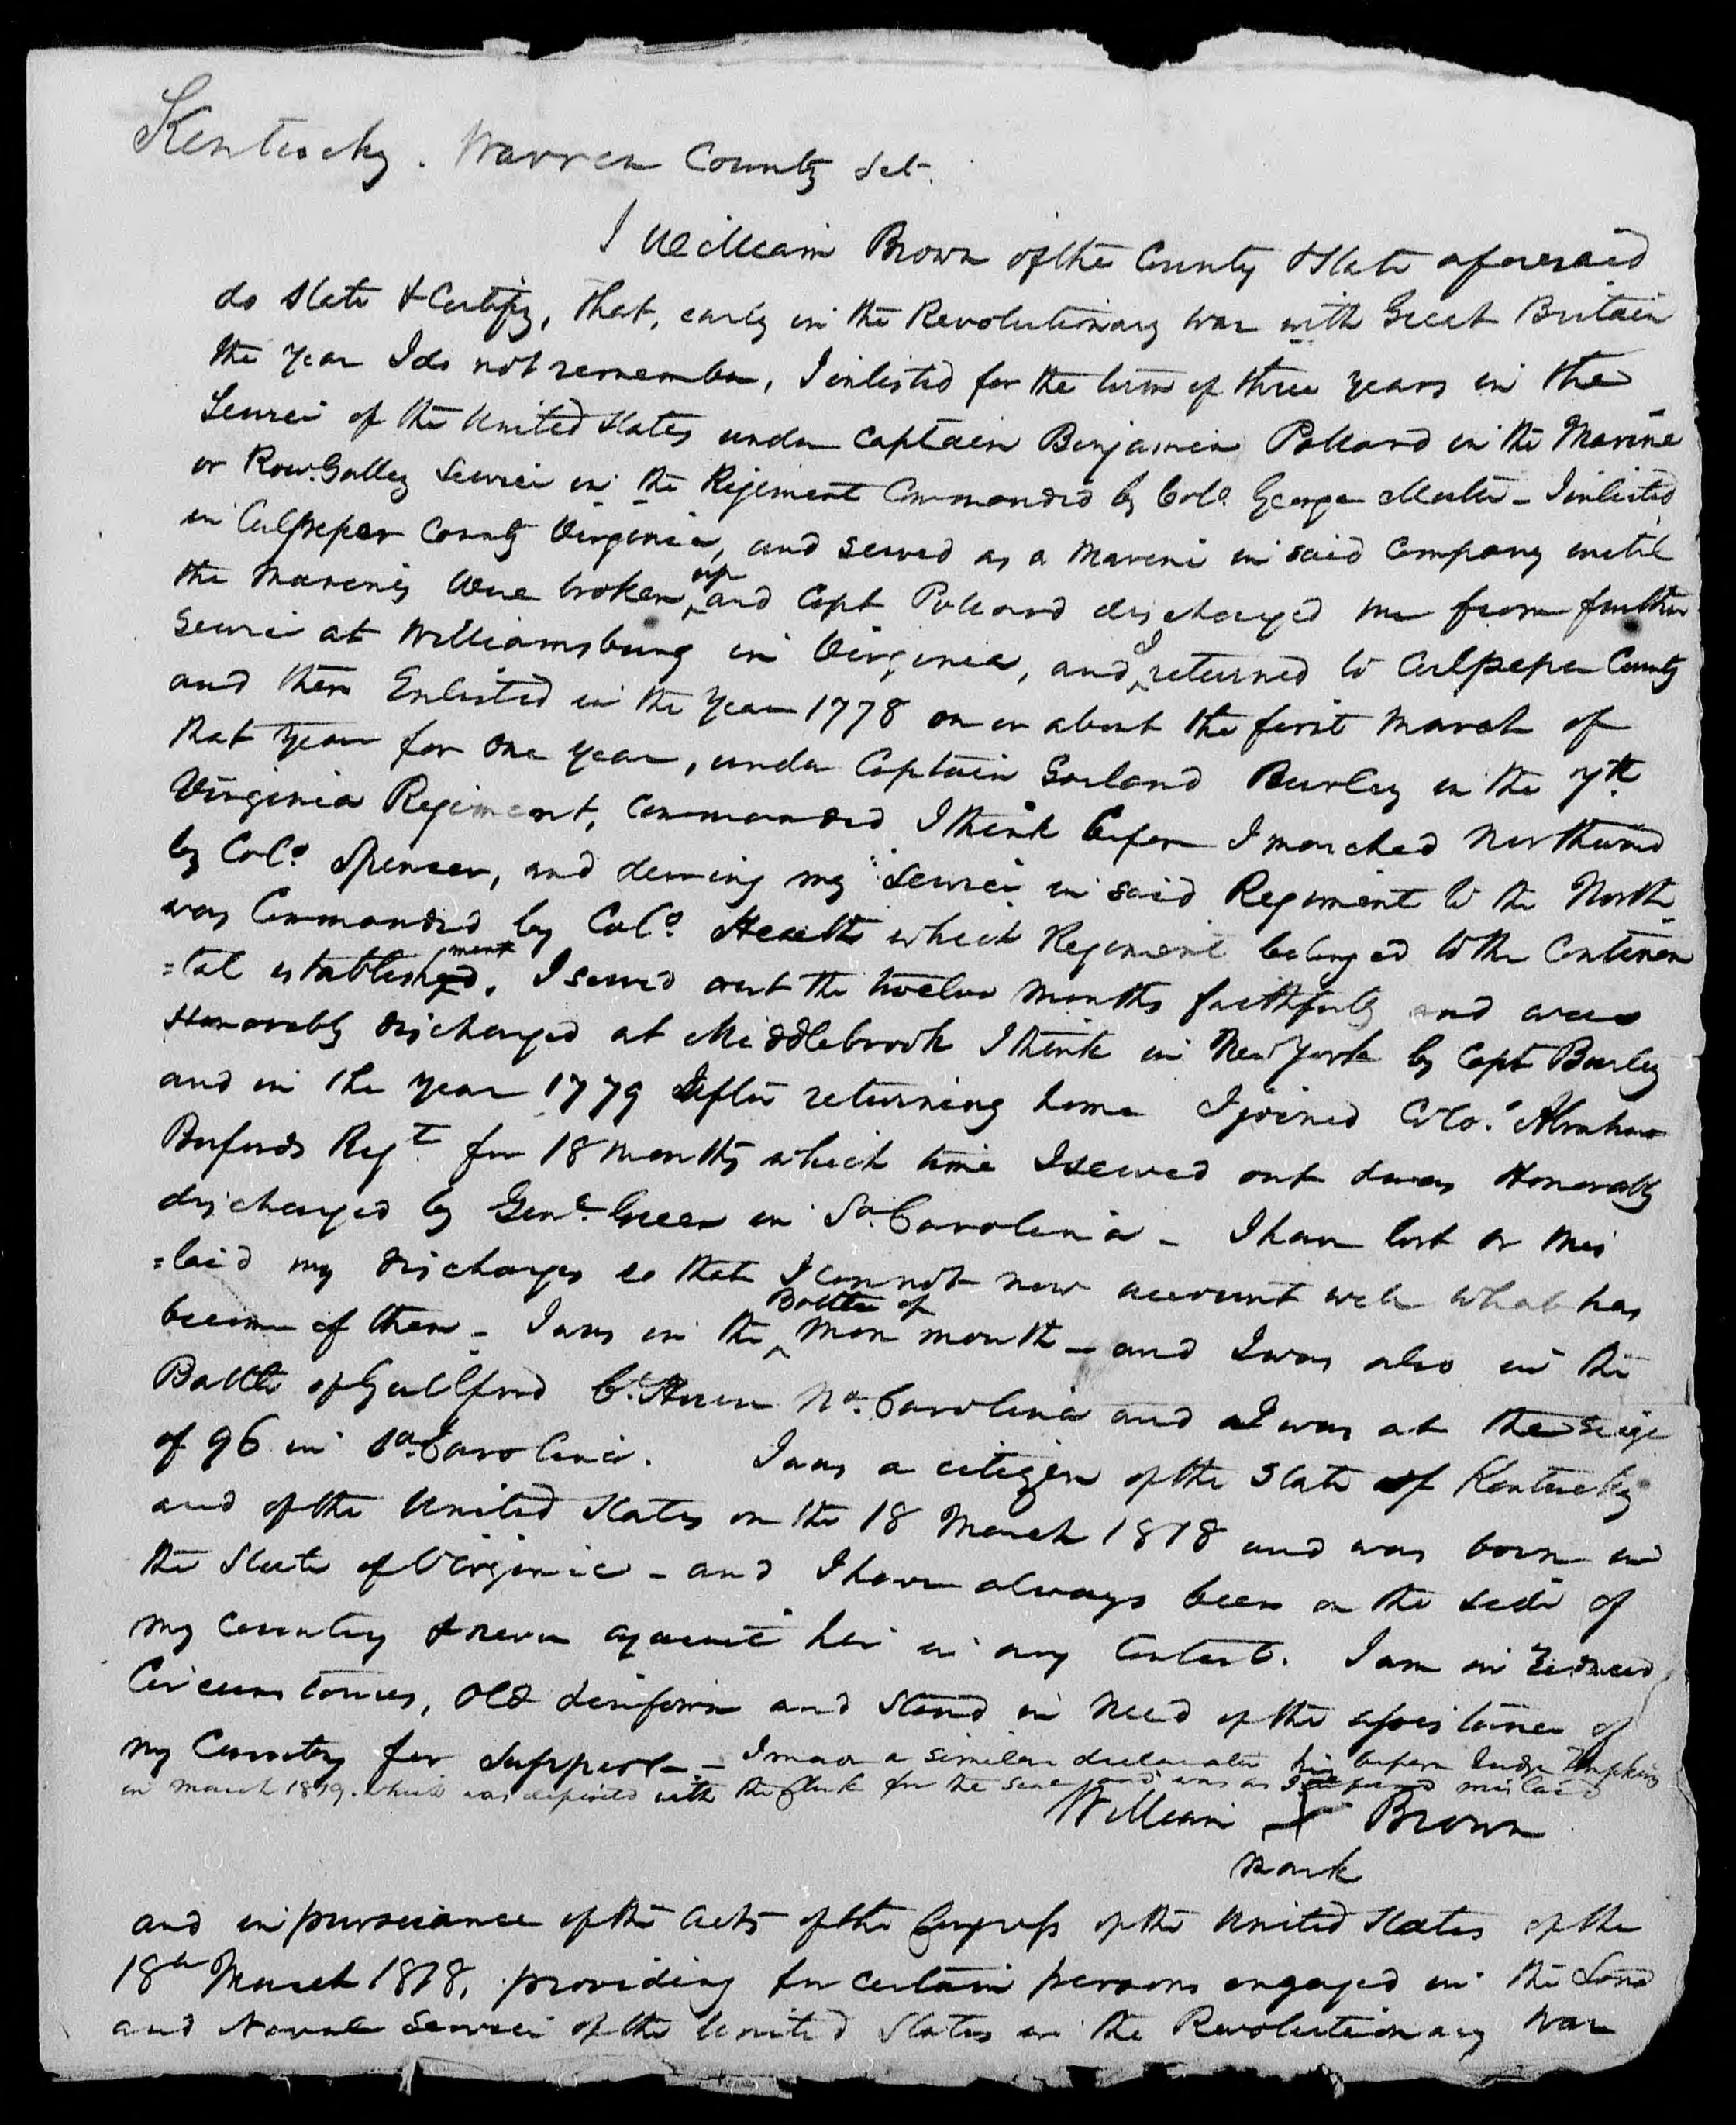Kentucky, Warren County [illegible]

I William Brown of the county of [illegible] aforesaid
do [illegible] + certify, that early in the Revolutionary War with Great Britain
the year  I do not remember, I enlisted for the term of three year in the
Service of the United States under captain Benjamin Pollard in the Marine
or Row Galley Service in the Regiment Command of George [illegible] - I enlisted
in Culpeper County Virginia, and served as a Marine in said Company until
the Marines were broken up and Capt Pollard discharged me from further
service at Williamsburg in Virginia, and I returned to Culpeper County
and then Enlisted in the year 1778 on or about the first March of
[illegible] year for one year, under Captain Garland Burley in the 7th
Virginia Regiment, Commander I think before I marched Northward
by Col.o Spencer, and during my Service in said Regiment W the North
was Commanded by Col.o Heath which Regiment belonged W the Continental
establishment. I served out the twelve months faithfuly and was
Honorably discharged at Middlebrook I think in New York by Capt Burly
and in the year 1779 After returning home I joined Col.o Abraham
Buford Reg.t for 18 months which time I served out + was Honorably
discharged by Gen.l Green in So. Carolina - I have lost or mislaid 
my discharges so that I cannot now account wch what has
been of them _ I was in the Battle of Monmouth - and I was also in the
Battle of Guilford Ct. [illegible] No. Carolina and I was at the Siege
of 96 in So. Carolina. I was a citizen of the State of Kentucky
and of the United State on the 18 March 1818 and was born in
the State of Virginia - and I have always been on the side of
my country + never against her in any Content. I am in [illegible]
Circumstances, old [illegible] and stand in need of the assistance of
my country for Support - I made a similar declaration [illegible] before Judge Hopkins
in March 1879. Which was [illegible] with [illegible] clerk for the [illegible] and was as I [illegible] mislaid

his
x
mark
William Brown

and in pursuance of the act of the Congress of the United States of the
18th March 1878, providing for certain persons engaged in the Land 
and Naval Services of the United State in the Revolutionary War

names: Pollard, George, Garland Burley, Benjamin Pollard, Heath, Green, William Brown, Burley, Spencer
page: 4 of 21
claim: survivor's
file: S. 35,788, William Brown, Va.